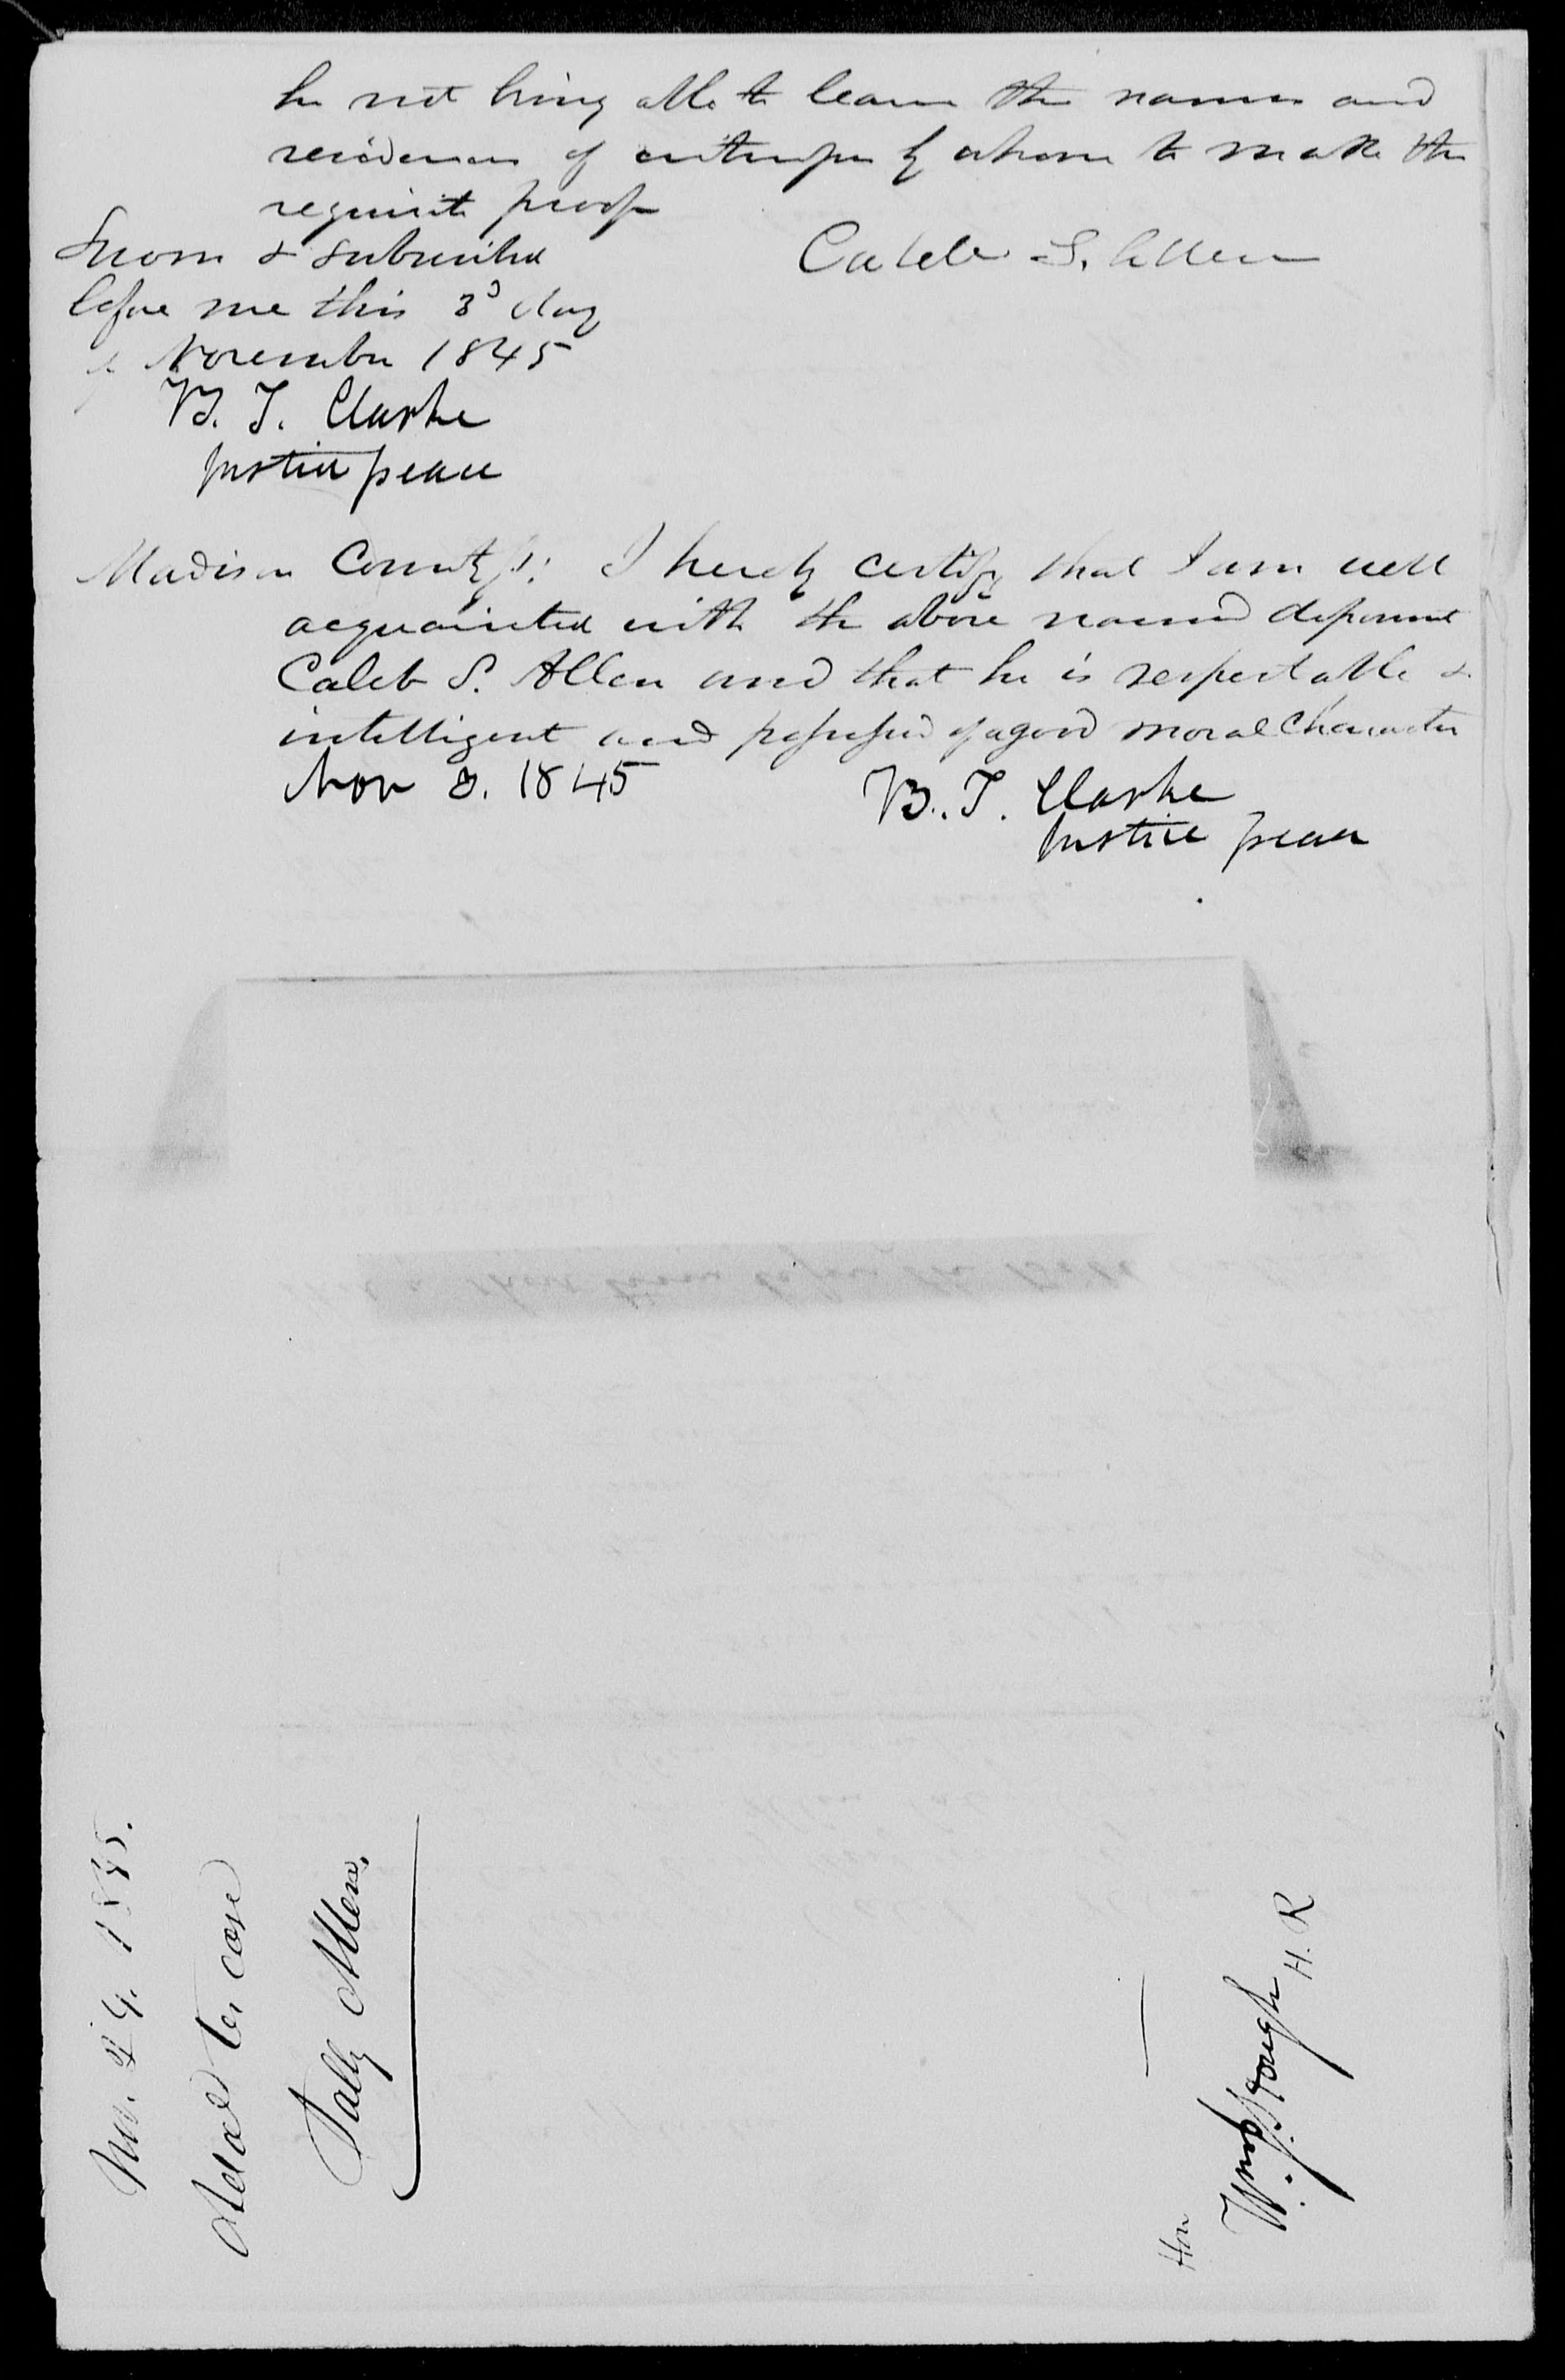he not being able to leave the names and residence of witnesses of whom to a required proof
Caleb S. Allen [signature]
Sworn & subscribed 
before me this 3d day 
November 1845 
B.T. Clarke Justice Peace
Madison County ss: I hereby certify that I am well acquainted with the above named deponent
Caleb S. Allen and that he is respectable and intelligent and possesses a good moral character
Nov 3. 1845
B.T. Clarke Justice Peace



[bottom of page, turn clockwise]
Nov. 24, 1845
Addl to case
Sally Allen
Hon Wm. J Hough
H.R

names: B T Clarke, Wm J Hough, B T Clarke, Caleb S Allen, Caleb S Allen, Sally Allen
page: 28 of 74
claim: widow's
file: W. 23424, John Allen, Mass. R. I.